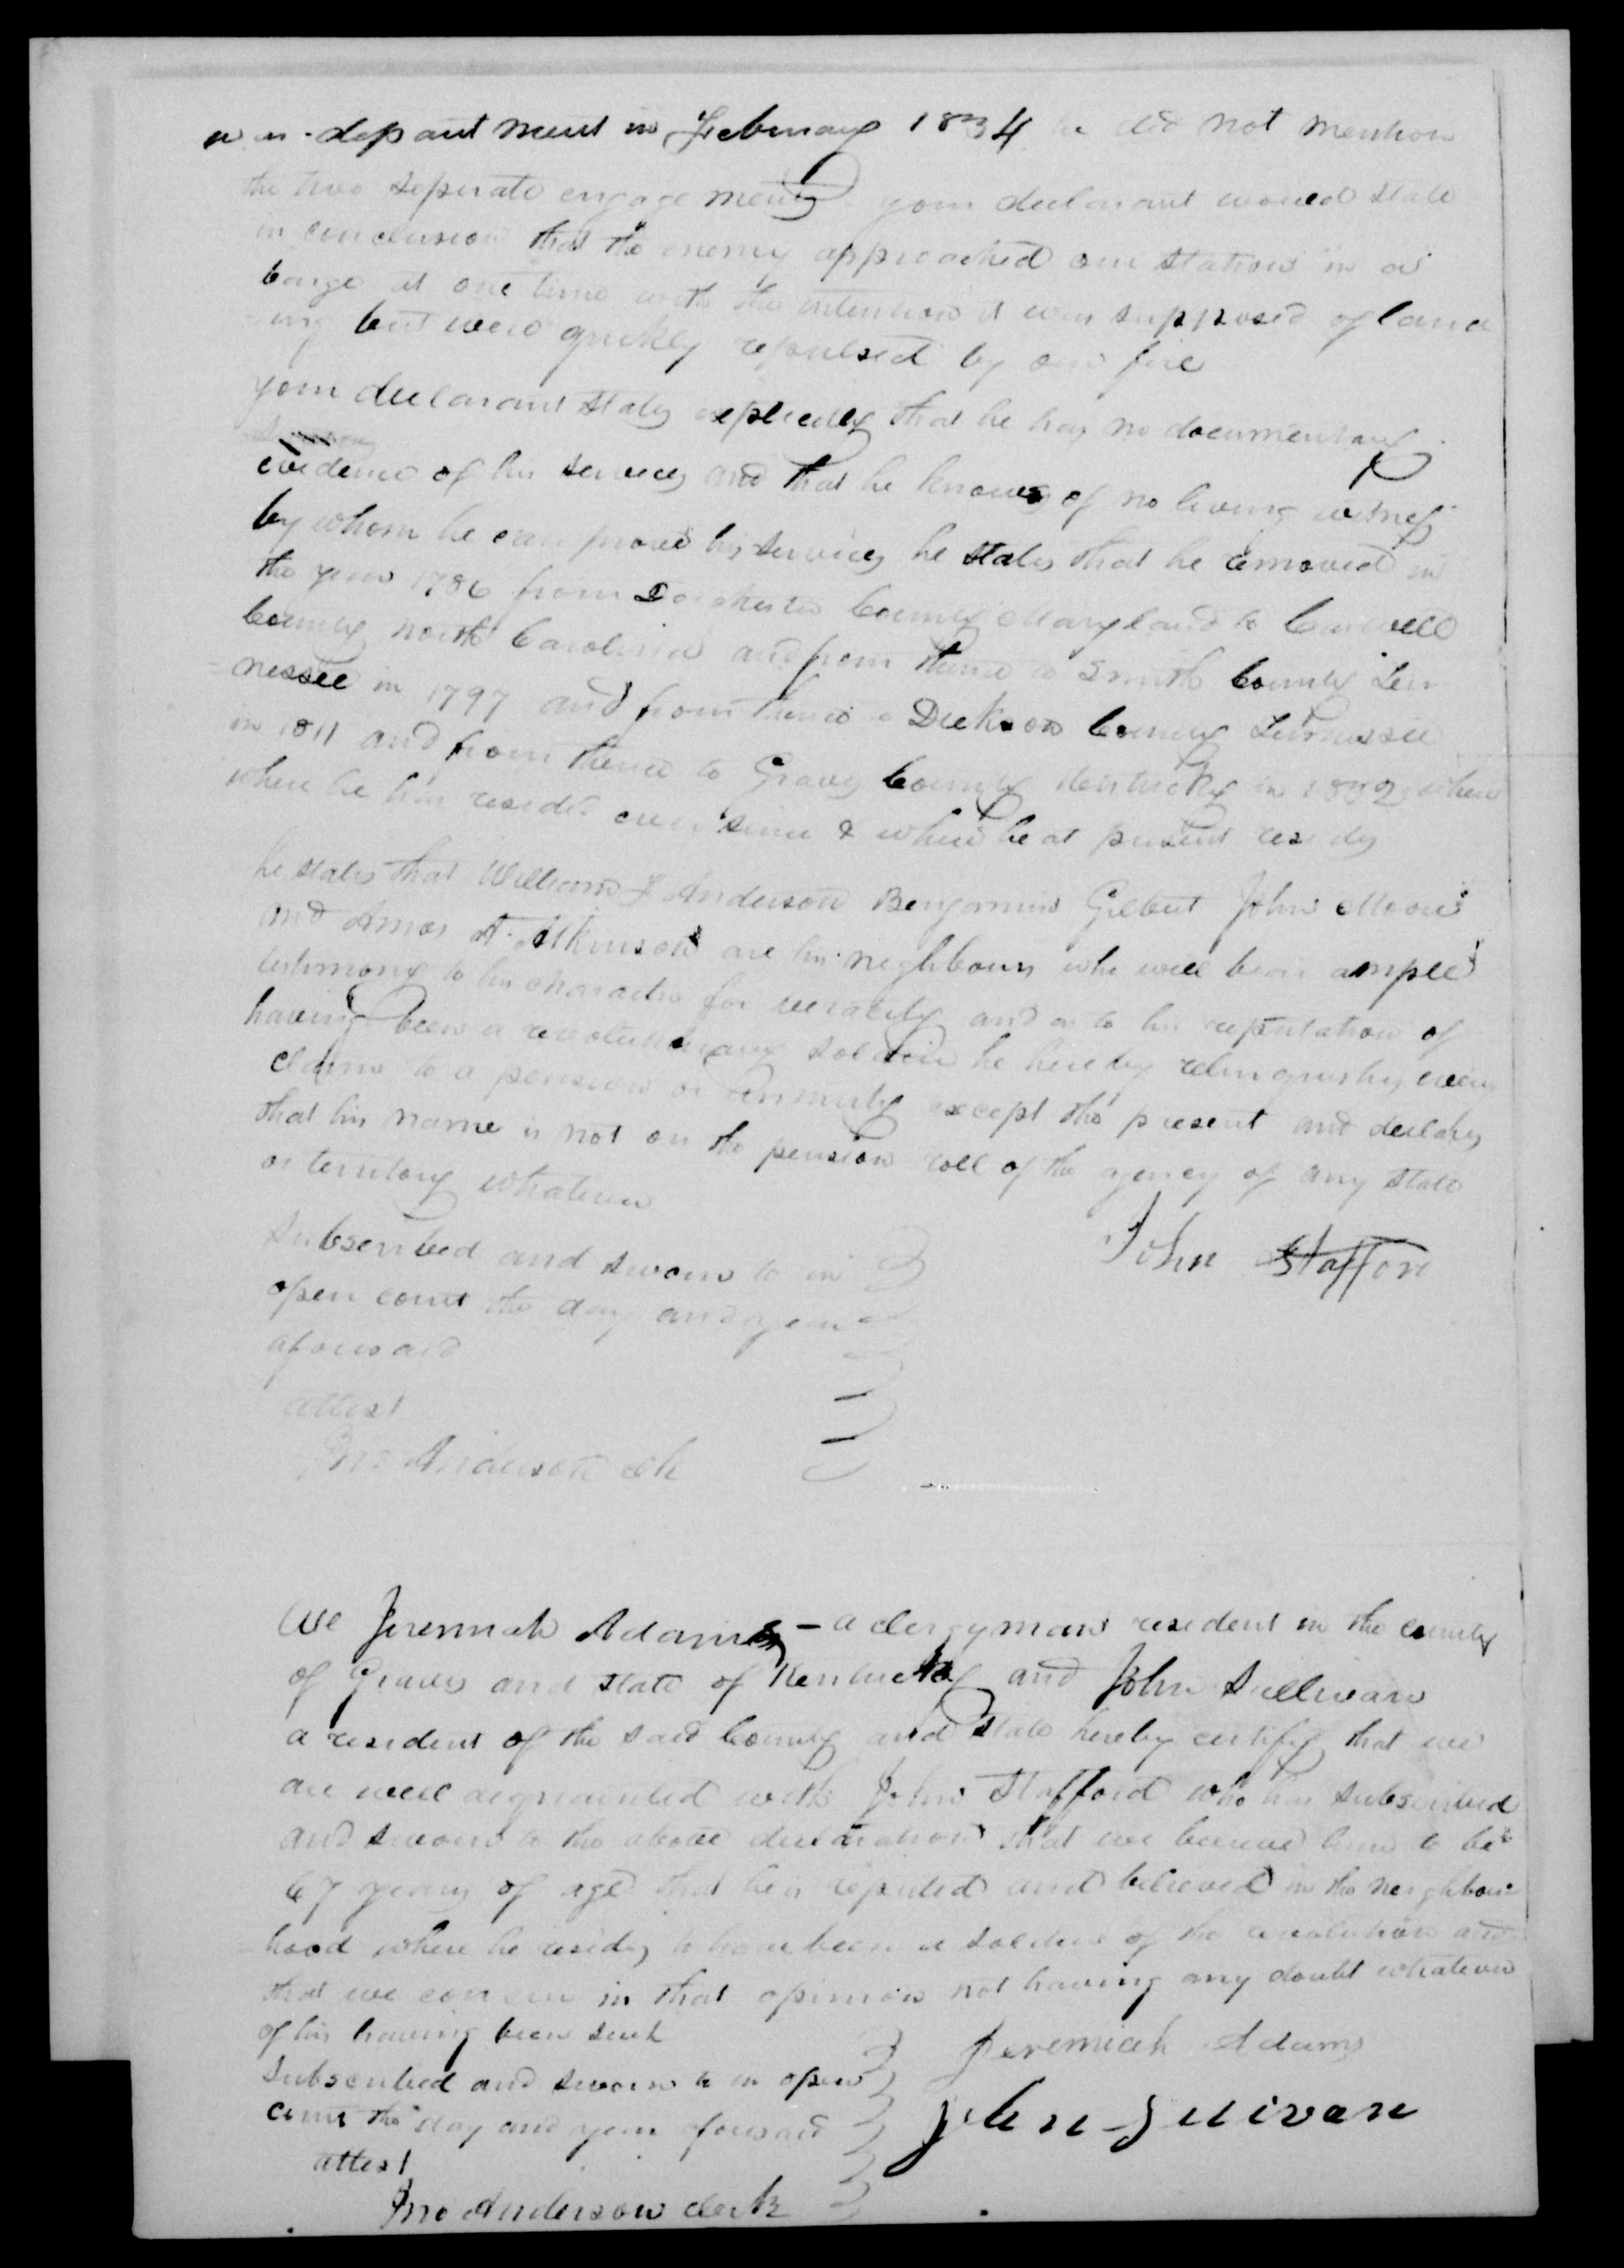was depantment[?] in February 1834 he did not mention the two separate engagements your declarant would state  in conclusion that the enemy approached our station in or Carge[?] at one time with the intention  it was supposed of  landing but were quickly repulsed by our fire
Your declarant test explicitly that he has no documentary evidence of his services and that he knows of no living witness by whom he can prove his services he states that he moved in the year 1886 from Dorchester County Maryland to Caldwell County North Carolina and fro there  to Smith CountyTennessee in 1797 and from there to Dickson County Tennessee in 1811  and from there to Graves County Kentucky in 1832 where he has resided ever since & where he at present resides he states that William T Anderson Benjamin Gilbert John Moore and Amos  A Atkinson are his neighbors who  will be ample testimony to his character for veracity on on to his reputation of having been a revolutionary soldier he hereby  relinquishes  every claim to a pension or annuity except this present and declared  that his name is not not the pension roll of the agency of any state or territory whatever

Subscribed and sworn to in open court the day and year aforesaid

Attest 
 Jno Anderson

We Jeremiah Adams—a clergyman resident in  the county of Graves and state of Kentucky and John Sullivan a resident of the said County and state hereby certify that we  are well acquainted wth John Stafford who has subscribed and sworn to the above declaration that we  believe him to be about 67 years of age that he is reputed and believed in the neighbourhood where he resides to have been a soldier of the revolution and that we concur in the opinion not having any doubt whatever of his having been Leseh[?]

Subscribed and sworn to in open court county this day and year aforesaid

Jno Anderson

Jeremiah Adams

Jonn Sullivan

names: Jeremiah Adams; John Stafford; John Sullivan; John Stafford; John Moore; John Sulivan; Jeremiah Adams; Amos A Atkinson; Jno Anderson; William J Anderson; Benjamin Gilbert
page: 7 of 61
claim: widow's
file: W. 11554, for John Stafford, Maryland